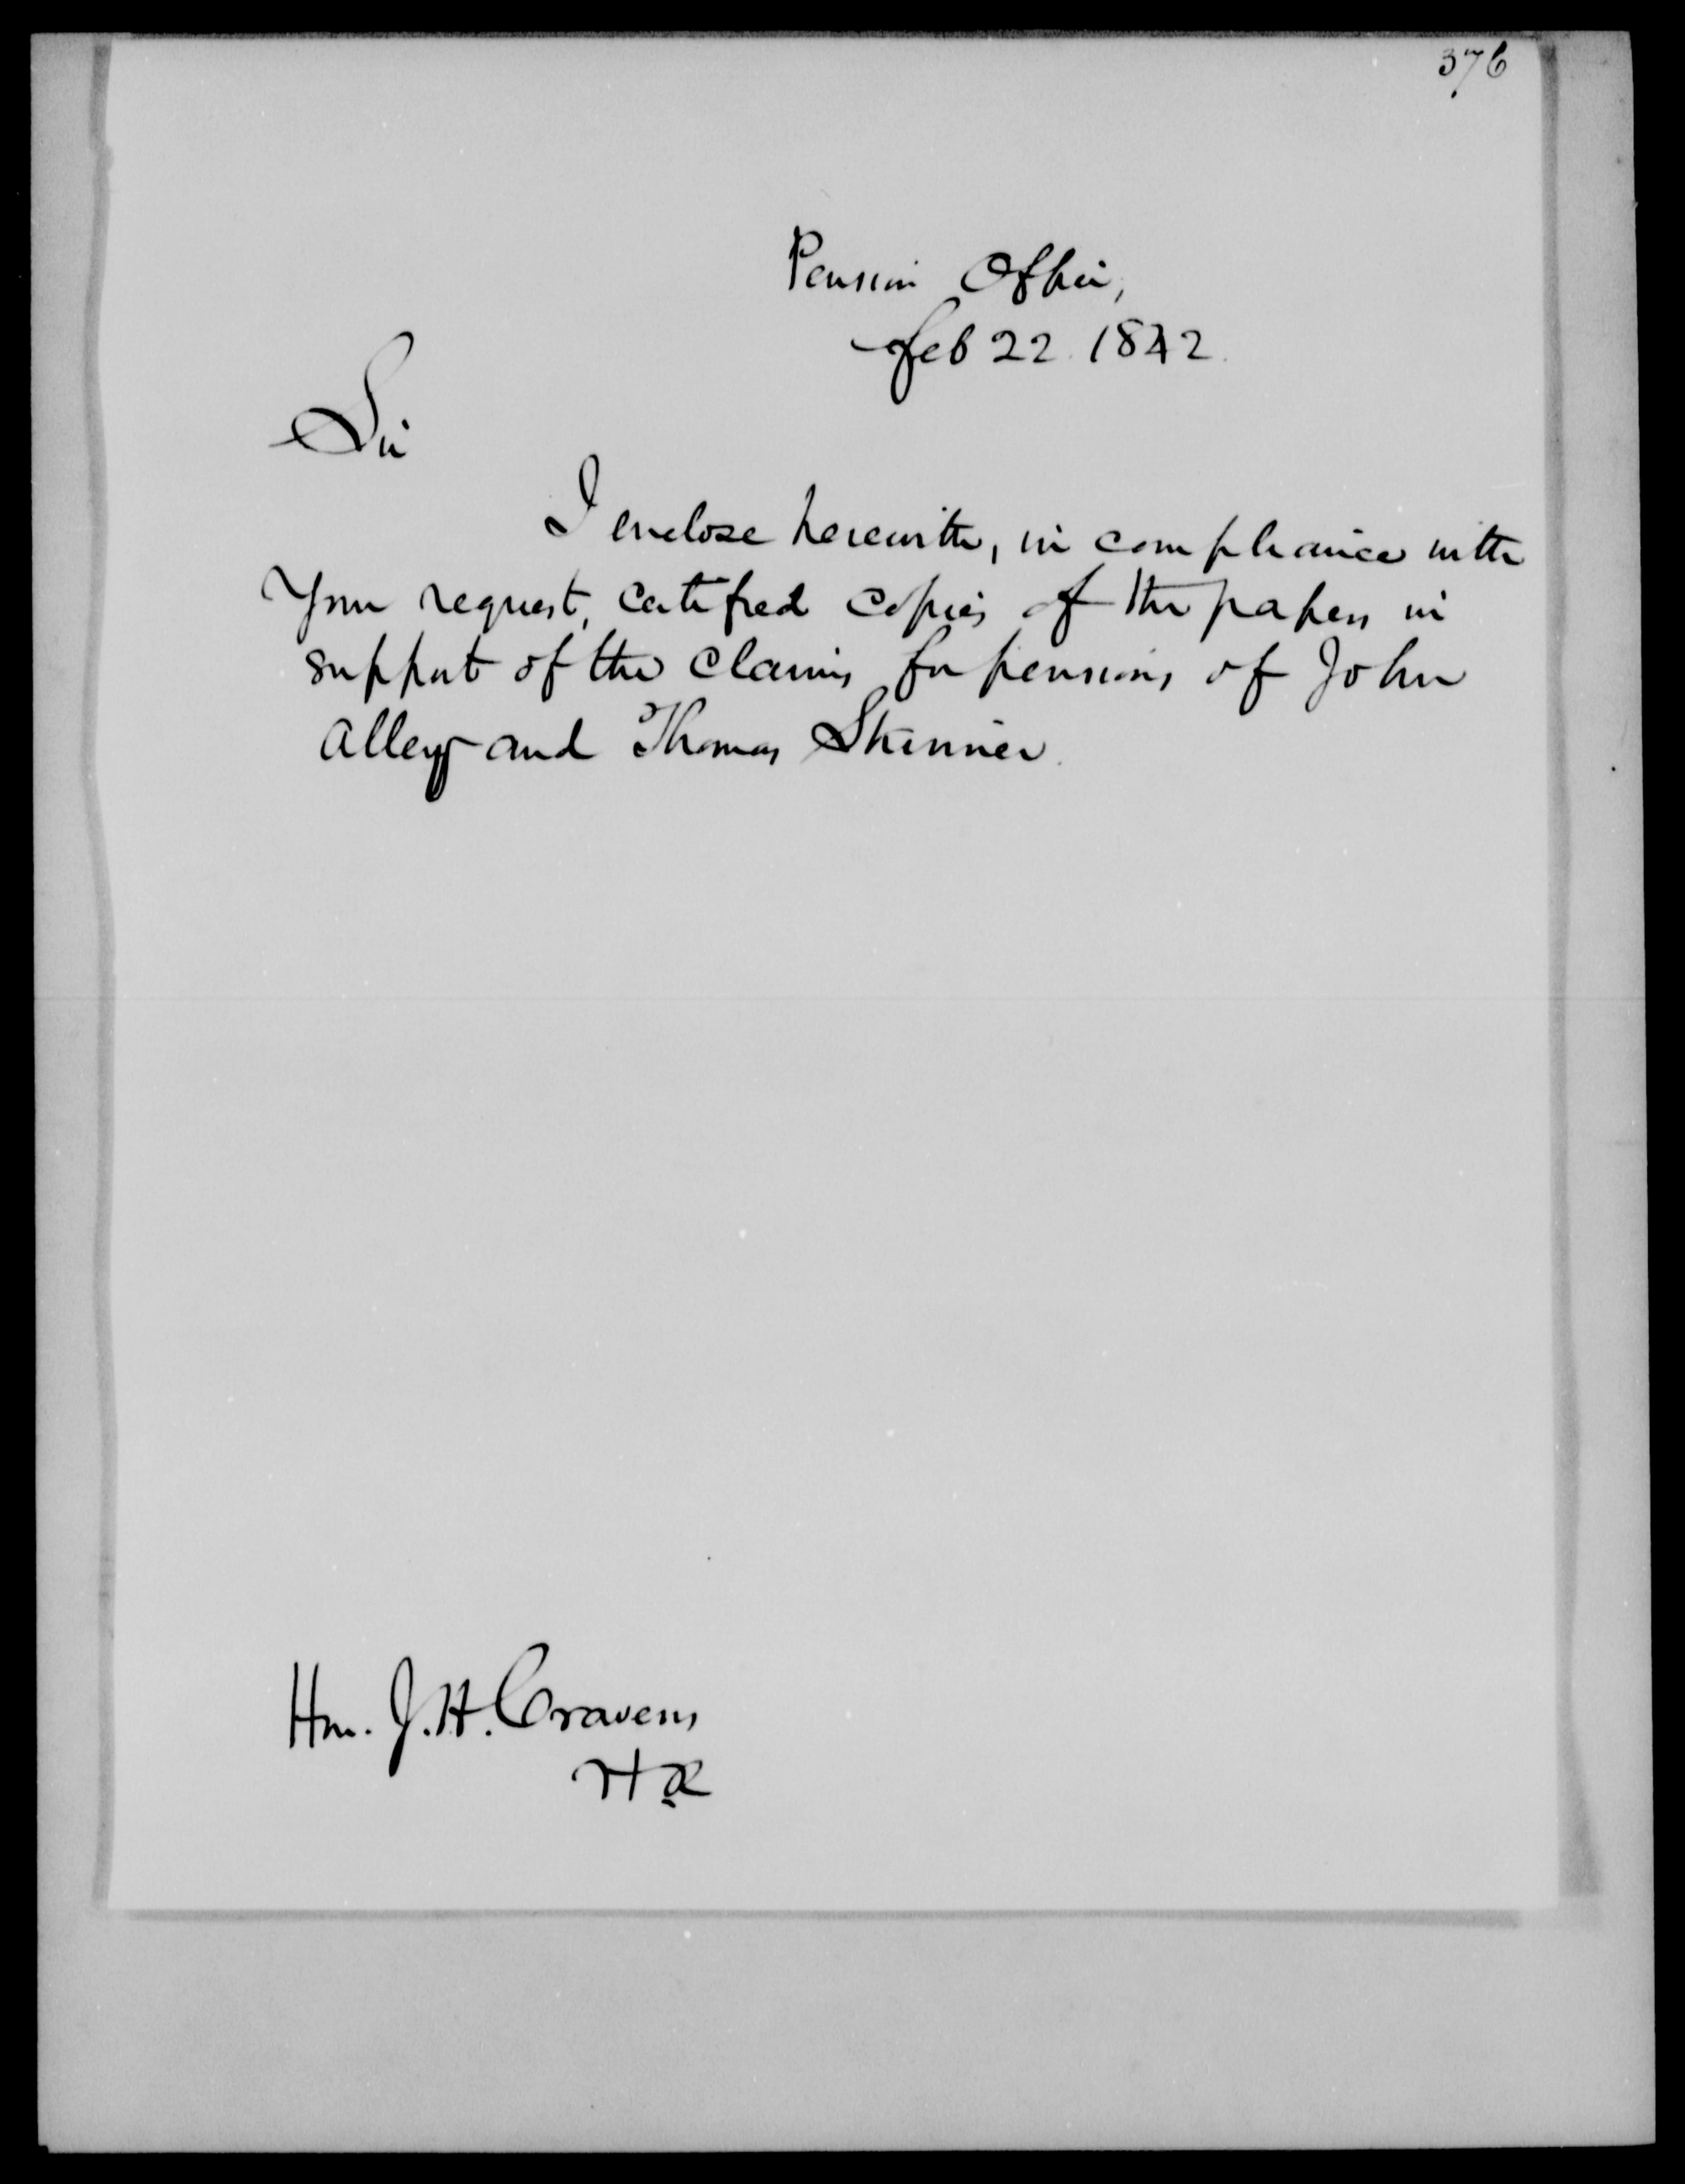376

Pension Office,
Feb 22 1842
Sir
I enclose herewith, in compliance with
for request, certified copies of the papers in
support of the claims for pensions of John
Alley and Thomas Skinner.

Hon. J.H. Cravens
HR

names: Thomas Skinner; J H Cravens; John Alley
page: 16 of 33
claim: rejected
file: R. 9635, for Thomas Skinner, Delaware